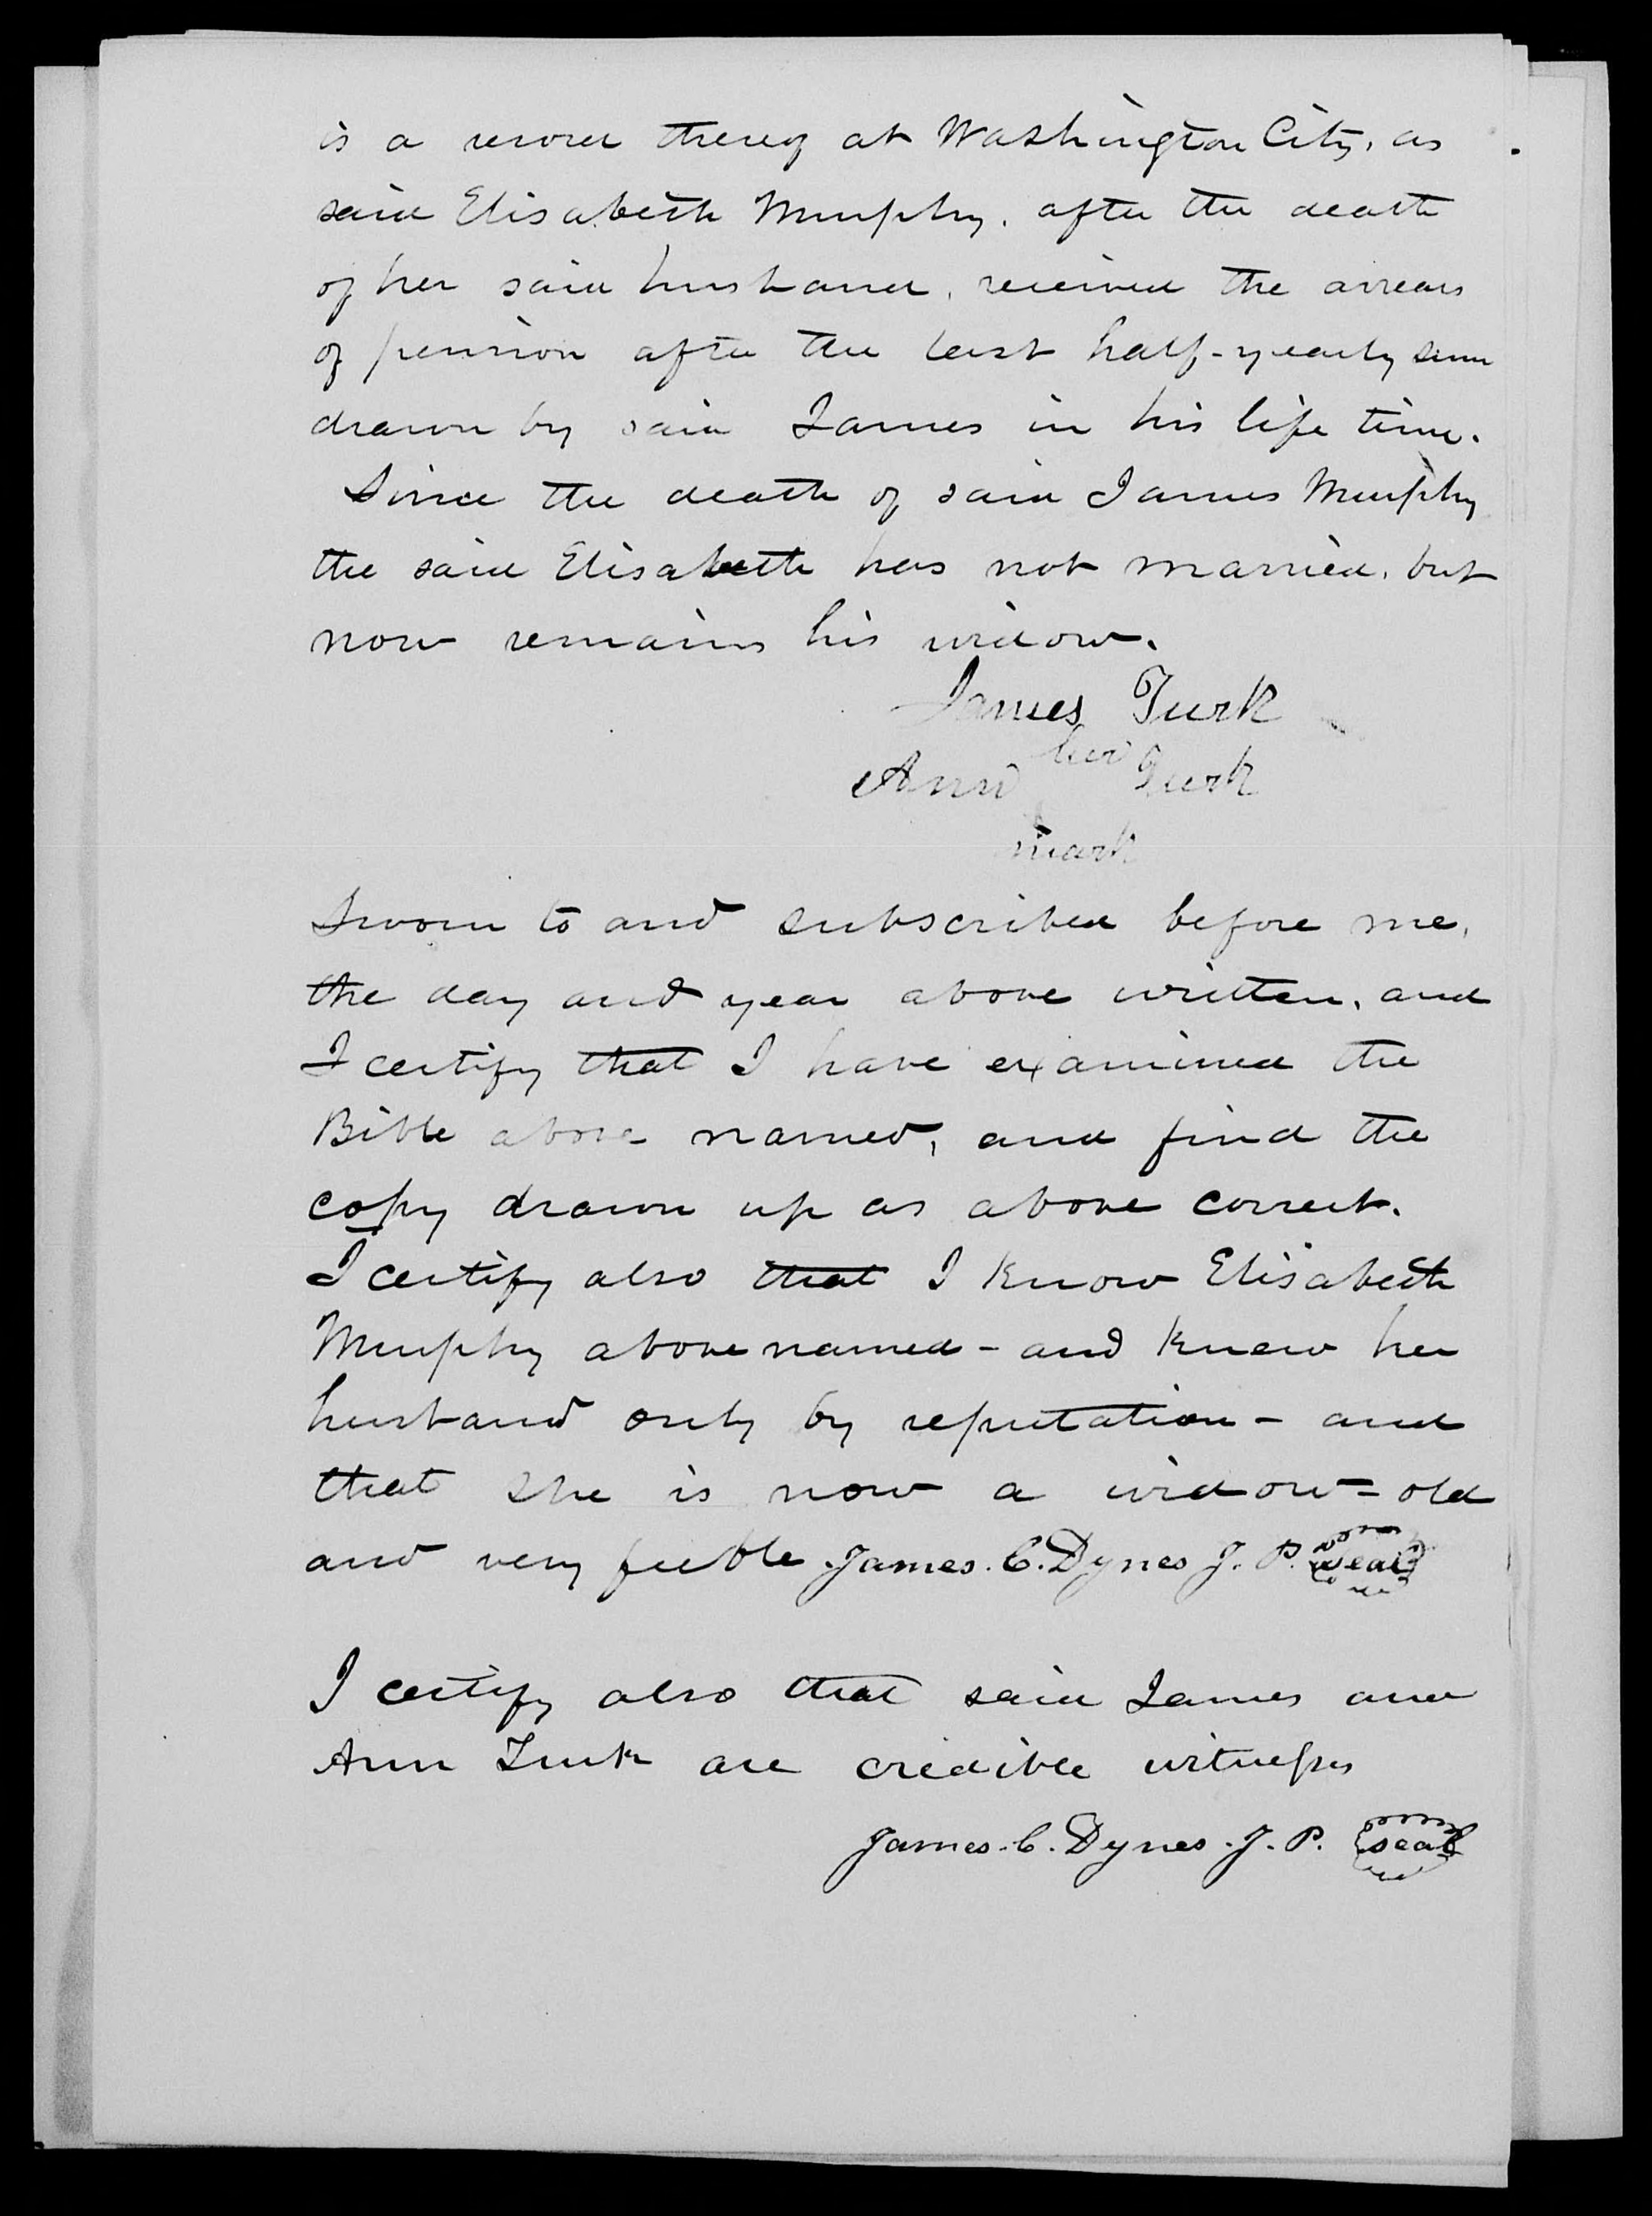is a record thereof at Washington City, as
said Elizabeth Murphy, after the death
of her said husband, received the arrears
of pension after the last half yearly sum
drawn by said James in his life time.

Since the death of said James Murphy
the said Elisabeth has not married, but
now remains his widow
James Turk   /s/
Ann Turk  X her mark

Sworn to and subscribed before me
the day and year above written, and
I certify that I have examined the
Bible above named, and find the
copy drawn up as above correct.
I certify also that I know Elizabeth
Murphy above named - and knew her
husband only by reputation-- and
that she is now a widow - old
and very feeble.   James C. Dynes J.P.  /s/  {seal}

I certify also that said James and
Ann Tink are credible witnesses
James C. Dynes J.P.   /s/  {seal}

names: Elisabeth Murphy; James C Dynes; Ann Turk; James Murphy; James Turk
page: 20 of 57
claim: widow's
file: W. 25,739, for James Murphey, Pennsylvania